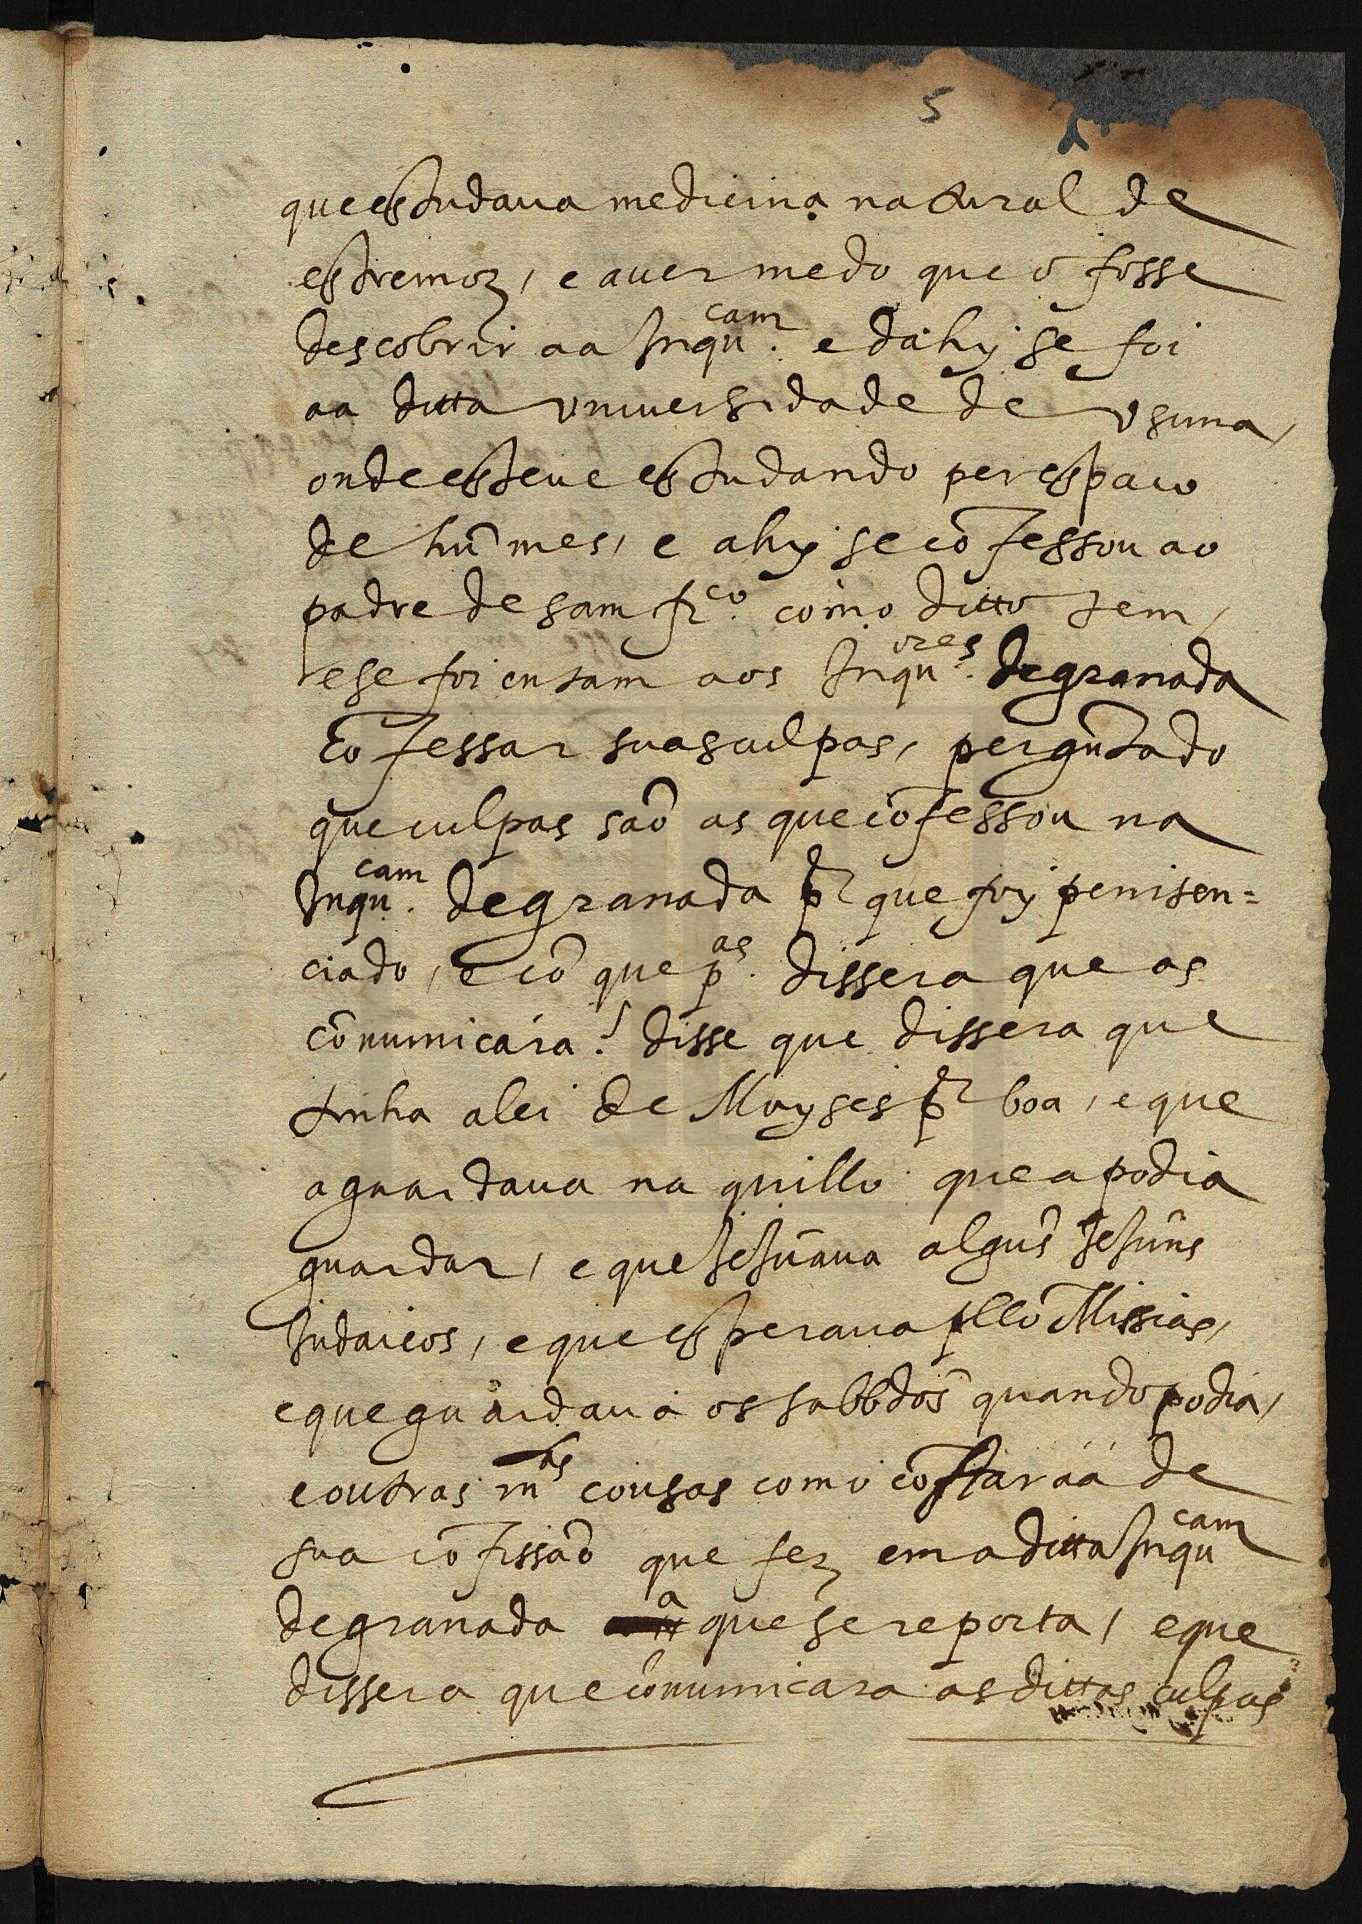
que estudaua medicina natural de
estremoz , e auer medo que o fosse
descobrir aa Jnqucam: e dahy se foi
aa ditta vniuersidade de vsuna
onde esteue estudando per espaço
de hū mes, e ahy se cōfessou ao
padre de sam frco. como ditto tem,
e se foi entam aos Jnquores. de granada
cōfessar suas culpas, pergūtado
que culpas são as que cōfessou na
Jnqu.cam de granada por que foy peniten
ciado, e cō que pas. dissera que as
cōmunicara? disse que dissera que
tinha a lei de Moyses por boa, e que
a guardaua naquillo que a podia
guardar , e que JeJuāua algūs JeJun̄s
Judaicos, e que esperaua pllo Missias,
e que guardaua os sabbdos̄ quando podia,
e outras mtas cousas como cōstaraa de
sua cōfissão que fez em a ditta Jnqucam
de granada a que se reporta / e que
dissera que cōmunicara as dittas culpas
